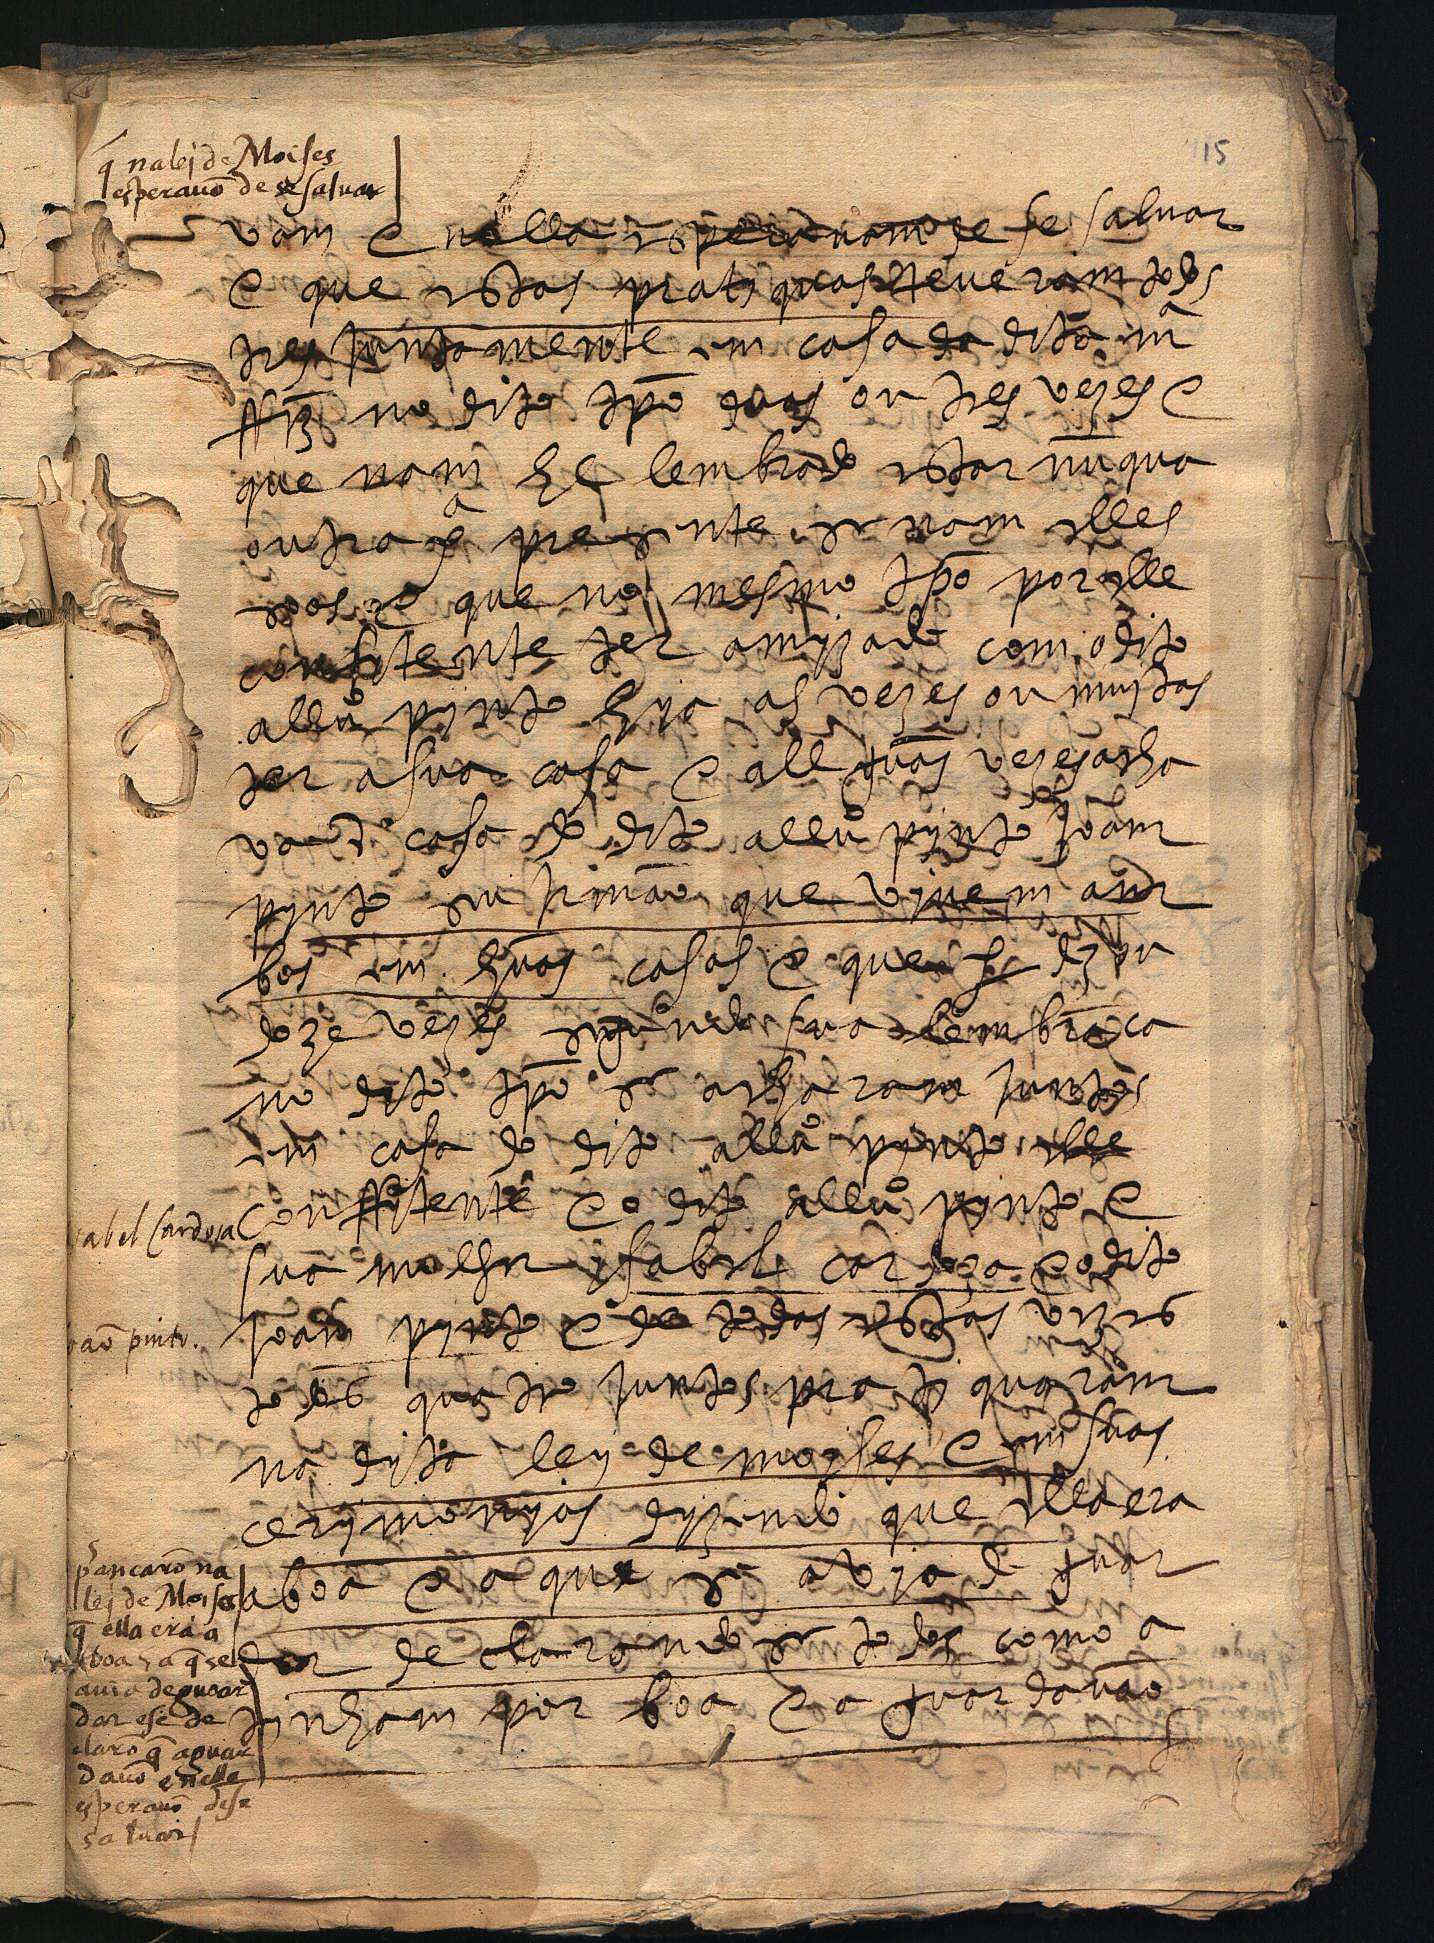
q̄ na lej de Moises
esperauō de se saluar
vam e nella esperauam de se saluar
e que estas pratiquas teueram todos
tres Juntamente em casa da dita ma
ffr̄z no dito tpō duas ou tres vezes e
que nam he lembrado estar nūqua
outra pa presente senam elles
soos e que no mesmo tpō por elle
confitente ter amyzade com o dito
alluo pynto hya as vezes ou mujtas
ter a sua casa e allgūas vezes acha
va ē casa do dito alluo pynto Joam
pynto seu Jrmão que vjuem am
bos em hūas casas e que ꝑ dez ou
doze vezes segundo sua lembrāça
no dito tpō se acharam Juntos
em casa do dito alluo pynto elle
conffytente e o dito alluo pynto e
isabel Cardosa
sua molher ysabel cardoza e o dito
Joam pynto e de todas estas vezes
oaõ pinto.
todos quatro Juntos pratjquaram
na dyta ley de moyses e em suas
cerymonyas dyzendo que ella era
a boa e a que se avya de guar
dar declarando se todos como a
tynham por boa e a guardauão
p̄aticarō na
lej de Moises
q̄ ella era a
boa E a q̄ se
auia a de guoar
dar e se de
clarō q̄ a guar
dauō e nella
esperauō de se
saluar/
